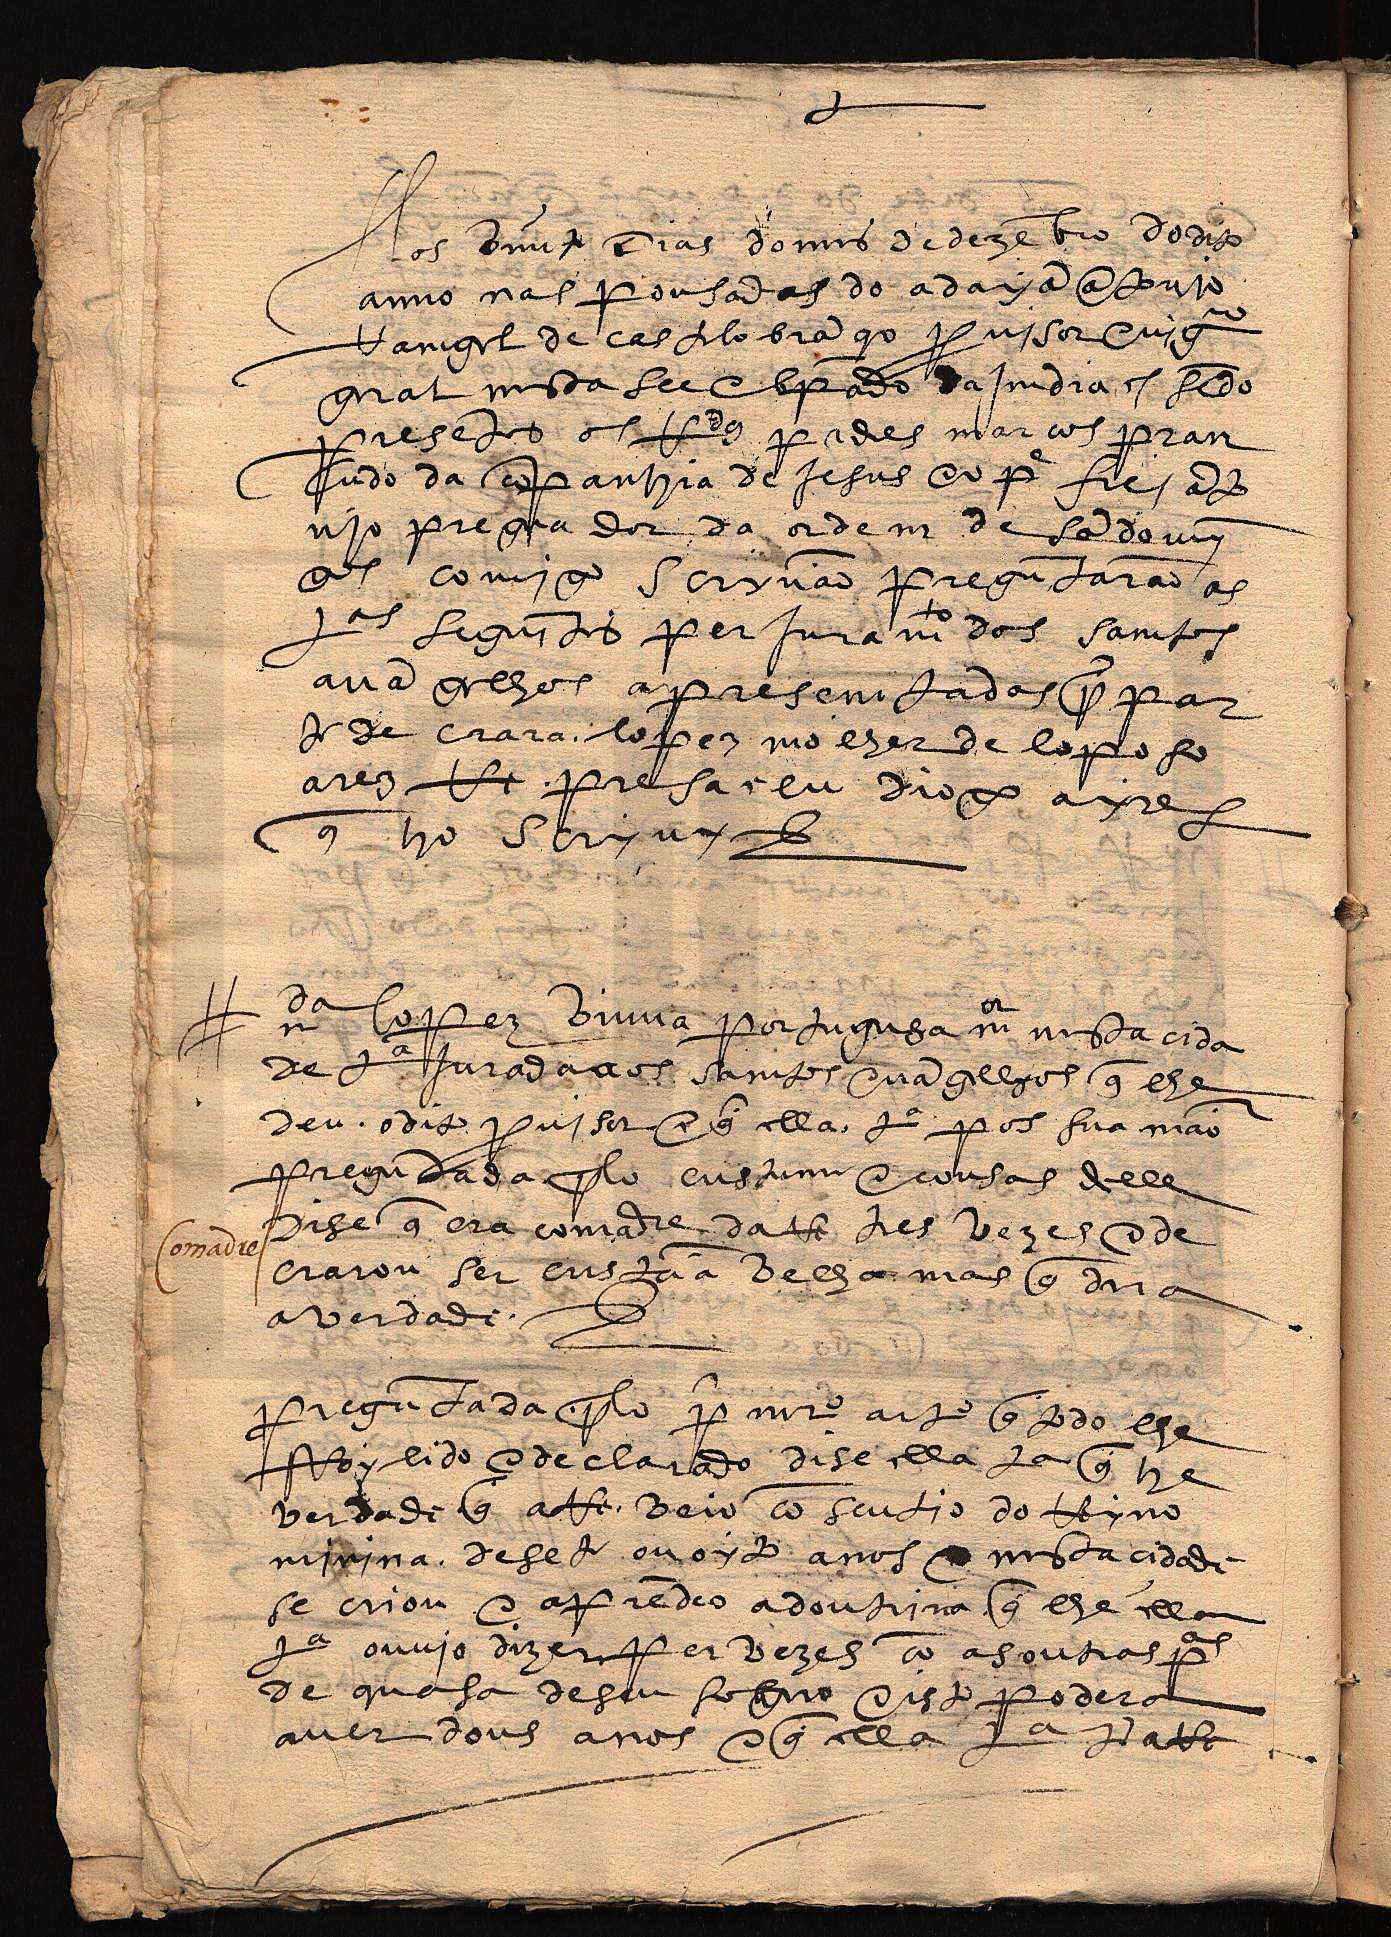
Aos vimte dias do mes de dezēbro do dito
anno nas pousadas do adayā ātonjo
Ramgel de castelo brāqo ꝓujsor e ujgro
geraL nesta see e bpādo da Jmdia cꝭ sēdo
presētes os Rdꝯ padres marcos pran
Cudo da c̄opanhia de Jesus e o pe frej āto
njo preguador da ordem de sā domȳ
gos comjgo scryuão pregūtarão as
tas seguītes per Juramto dos samtos
auāgelhos apresemtadas p̄o par
te de crara lopez molher de lopo so
arez Re presa e eu diogo ayres
q̄ ho scryuy
item mda lopez viuua portugusa mor nesta cida
de ta Jurada aos samtos euāgelhos q̄ lhe
deu . o dito ꝓujsor ē q̄ ella ta pos sua mão
pregūtadas p̄lo custume e cousas delle
dise q̄ era comadre da Re tres vezes e de
Comadre
crarou ser cristāa velha mas q̄ dira
a verdade.
Pregūtada p̄lo p̄mro arto q̄ todo lhe
ffoy lido e declarado dise ella ta q̄ he
verdade q̄ a Re veio c̄o seu tio do Reyno
mjnjna . de sete ou oyto anos e nesta çidade
se criou e aprēdeo a doutrjna q̄ lhe ella
ta ouujo dizer per vezes c̄o as outras pas
de quasa de seu sogro e isto podera
auer dous anos e q̄ ella ta tē a Re
